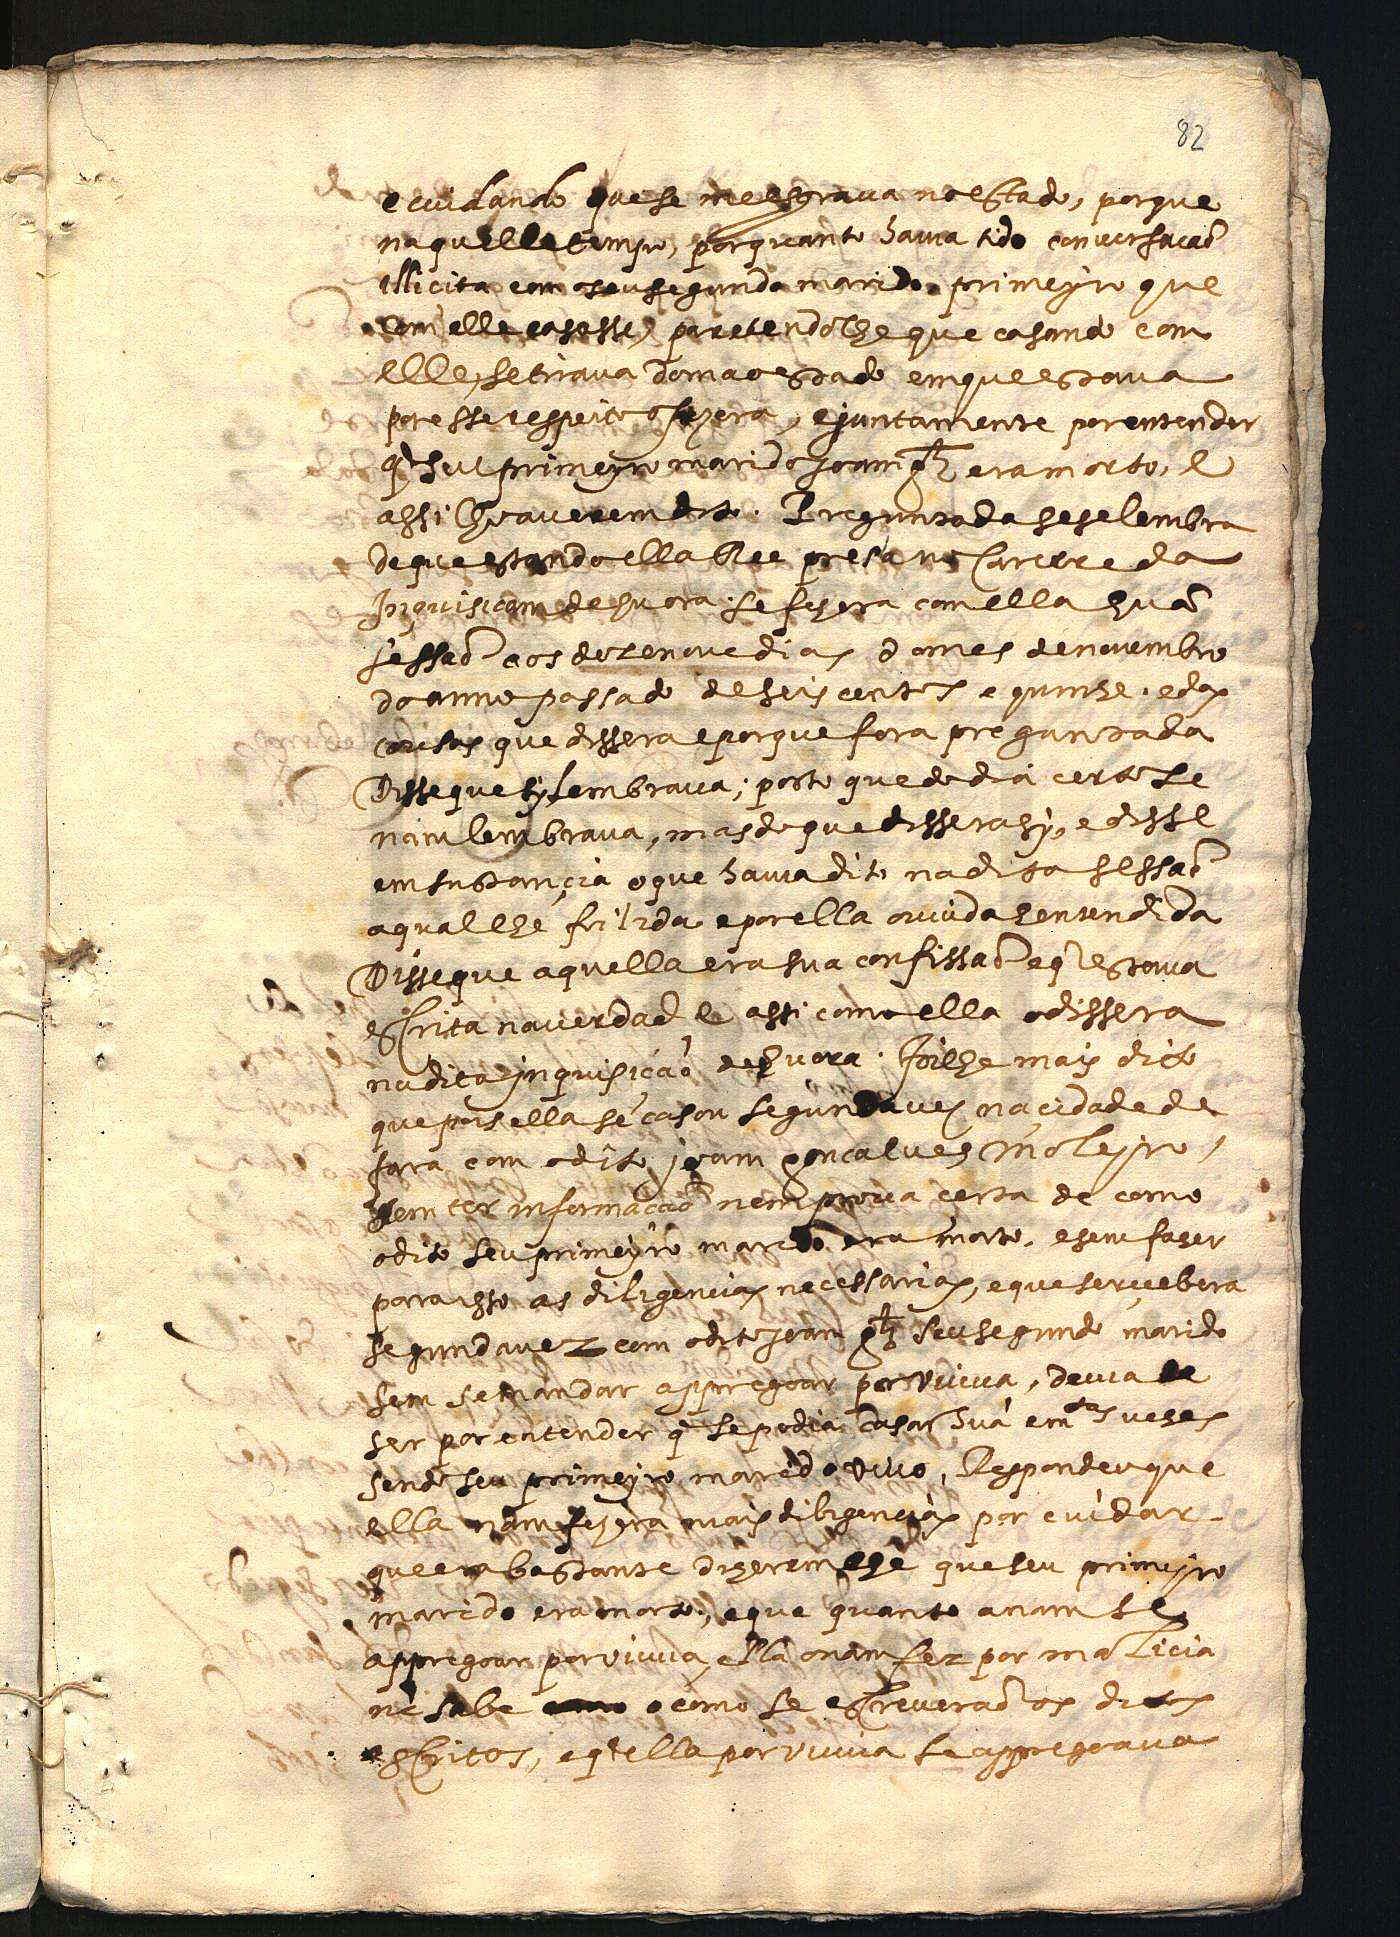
e cuidando que se melhoraua no estado, porque
naquelle tempo, porquanto hauia tido conuersacaõ
illicita com o seu segundo marido primejro que
com elle casasse, parecendolhe que casando com
elle, se tiraua do mao estado em que estaua
por esse respeito o fezera, e juntamente por entender
q̄ seu primeyro marido Joam gl̄z era morto, e
assi lho auerem dito. Preguntada se se lembra
de que estando ella Ree presa no Carcere da
Jnquisicam de Euora. se fezera com ella huā
sessaõ aos dezenoue dias do mes de nouembro
do anno passado de seiscentos e quinze. e das
cousas que dissera e porque fora preguntada
Disse que sy lembraua; posto que do dia certo se
nam lembraua, mas do que dissera sy, e disse
em sustançia o que hauia dito na dita sessaõ
a qual lhe foi lida e por ella ouuida E entendida
Disse que aquella era sua confissaõ e q̄ estaua
esCrita na uerdade assi como ella o dissera
na dita jnquisiçaõ de Euora. Foilhe mais dito
que pois ella se casou segunda ues na çidade de
faro com o dito joam goncalues molejro,
sem ter informaçaõ nem proua çerta de como
o dito seu primeyro marido era morto. e sem fazer
para isso as diligencias necessarias, e que se reçebera
segunda uez com o dito joam gl̄z seu segundo marido
sem se mandar appregoar por viuua, deuia _e
ser por entender q̄ se podia casar huā e mtas uezes
sendo seu primeyro marido viuo, Respondeo que
ella nam fezera mais diligencias por cuidar
que era bastante dizeremlhe que seu primejro
marido era morto; e que quanto a nam se
appregoar por viuua, ella o nam fez por maLicia
nē sabe como o como se esCreueraõ os ditos
esCritos, e q̄ ella por viuua se appregoaua
